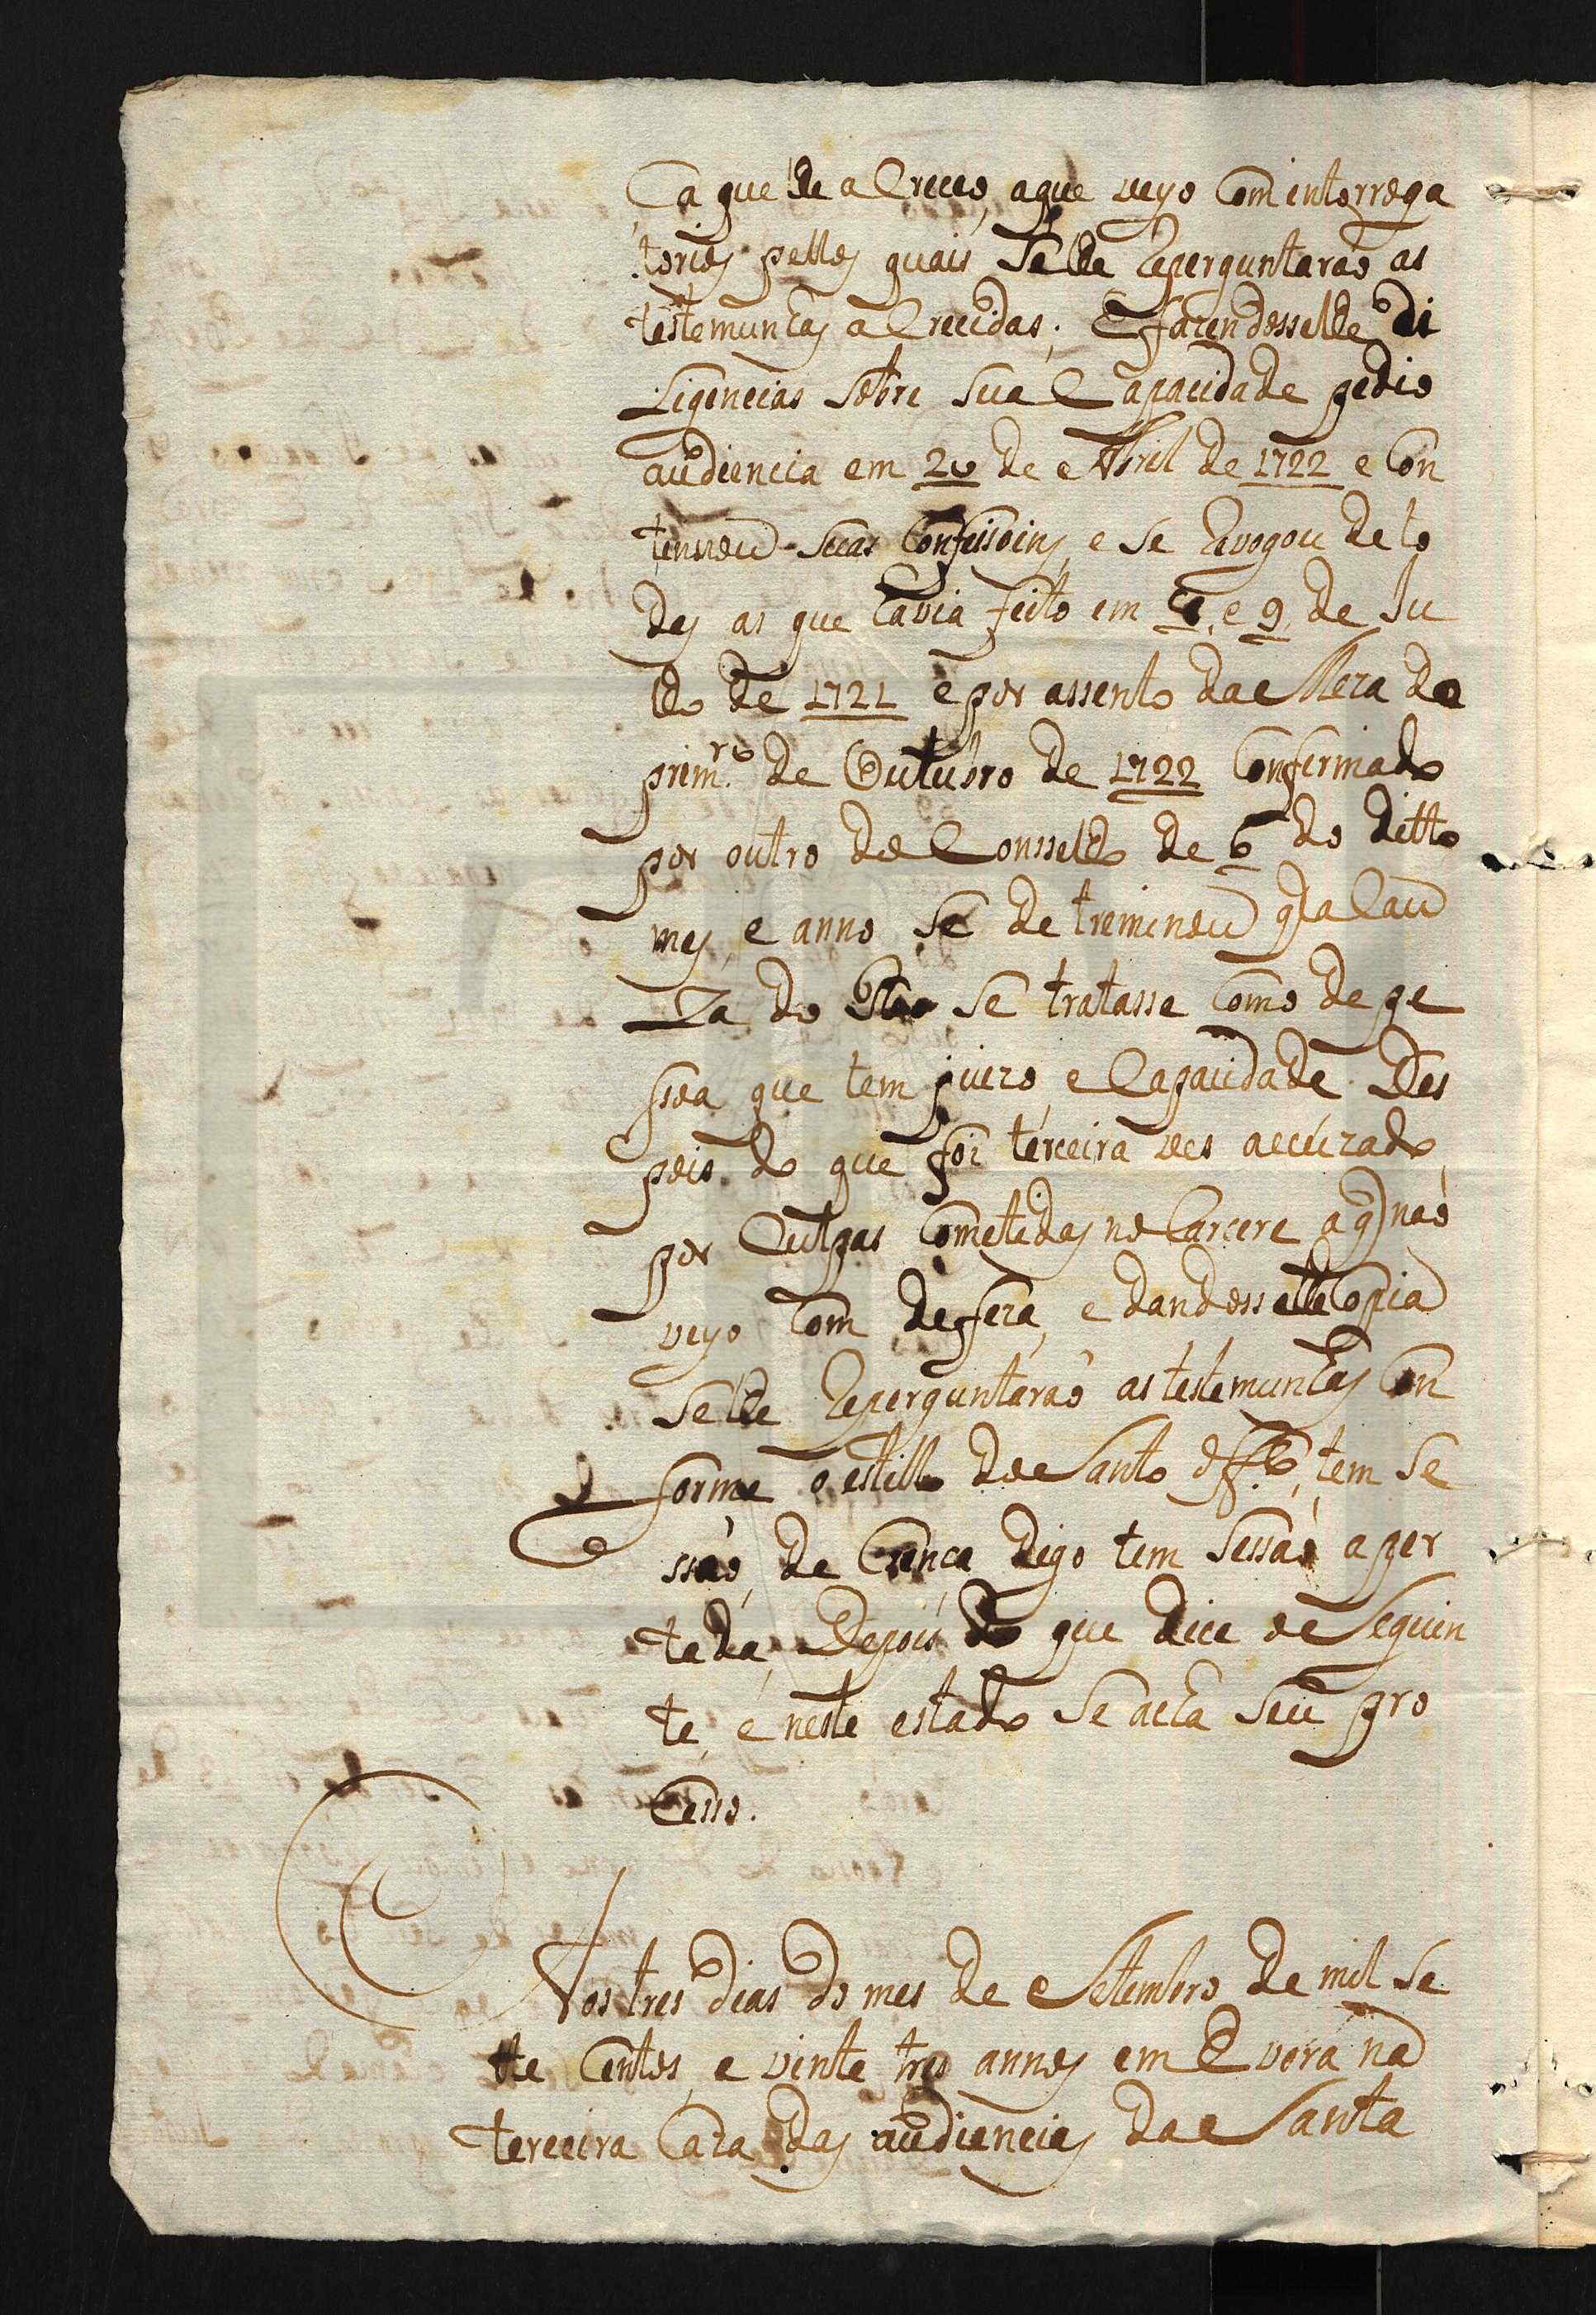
Ça que de acrecei, a que veyo Com interroga
torios pellos quais Se lhe Reperguntarão as
testemunhas aCrecidas; E fazendo se lhe di
Ligencias Sobre Sua Capacidade pedio
audiencia em 20 de Abril de 1722 e Con
tinuou Suas Confissoins, e se Revogou de to
das as que havia feito em 8, e 9, de Ju
lho de 1721 e por assento da Meza do
prim.ro de Outubro de 1722 Confirmado
por outro do Consselho de 6 do ditto
mes, e anno Se detreminou q̄ a Cau
Za do Reo se tratasse Como de pe
ssoa que tem juizo, e Capacidade Des
pois do que foi terceira ves accuzado,
por Culpas Cometidas no Carcere a q̄ naõ
veyo Com defeza, e dandosselhe Copia
Se lhe Reperguntarão as testemunhas Con
forme o estillo do Santo Off.co, tem Se
ssão, de Crença digo tem Sessaõ aper
tada, Depois do que dice o Seguin
te e neste estado Se acha seu pro
Cesso.
Aos tres dias do mes de Setembro de mil se
ttecentos, e vinte tres annos em Evora na
terceira Caza das audiencias da Santa
